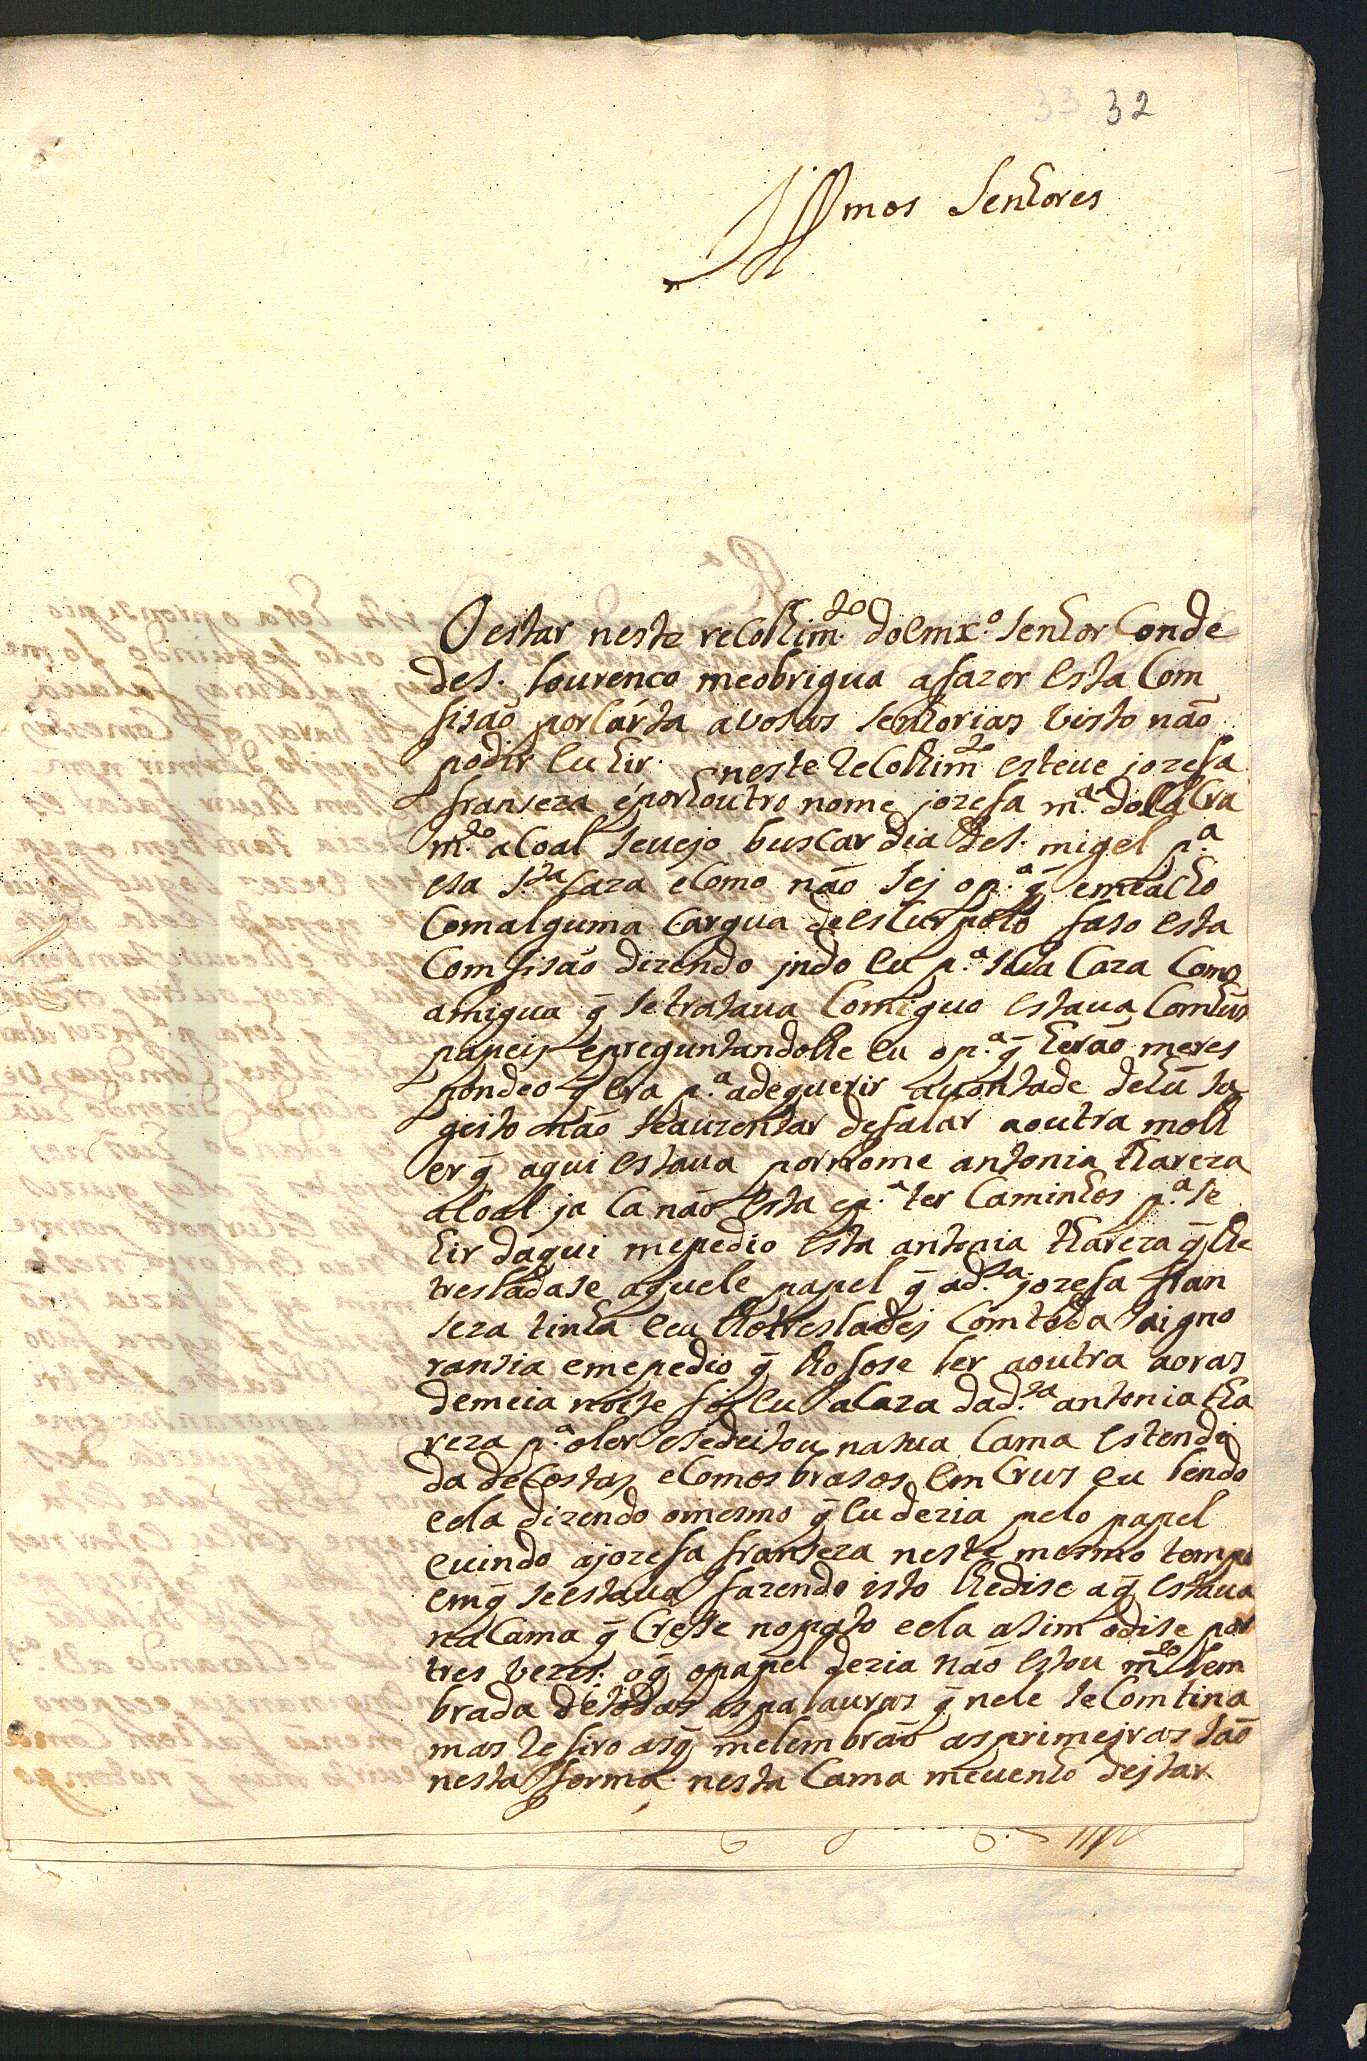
Illmos Senhores
O estar neste recolhim.to do emx.o senhor Conde
de S. Lourenço me obrigua a fazer esta Com
fisaõ por Carta a vosas senhorias visto naõ
podir eu hir; neste Recolhimto esteue jozefa
franseza e por houtro nome jozefa m.a do Sacra
m.to a Coal se uejo buscar dia de s. migel p.a
esa s.ta Caza e Como naõ sej o p.a q̄ e me acho
Com alguma Cargua de esCurpolo faso esta
Comfisaõ dizendo jndo eu p.a sua Caza Como
amigua q̄ se trataua Comiguo estaua Com hūs
papeis e preguntandolhe eu o p.a q̄ heraõ me res
pondeo q̄ era p.a adequerir a uontade de hū su
geito naõ se auzentar de falar a outra molh
er q̄ aqui estaua por nome antonia thareza
a Coal ja Ca naõ Esta e p.a ter Caminhos p.a se
hir daqui me pedio esta antonia thareza q̄ lhe
tresladase aquele papel q̄ a d.ta jozefa fran
seza tinha e eu lho tresladej Com toda a igno
ransia e me pedio q̄ lhe fose ler a outra a oras
de meia noite foj eu a Caza da d.ta antonia tha
reza p.a o ler e se deitou na sua Cama estendi
da de costas e Com os brasos em Crus eu lendo
e ela dizendo o mesmo q̄ eu dezia pelo papel
e uindo a jozefa franseza neste mesmo tempo
em q̄ se estaua fazendo isto lhe dise a q̄ estaua
na Cama q̄ Cresse no pato e ela asim o dise por
tres vezes: o q̄ o papel dezia naõ estou m.to lem
brada de todas as palauras q̄ nele se Comtina
mas Refiro as q̄ me lembraõ as primejras saõ
nesta forma; nesta Cama me uendo dejtar
